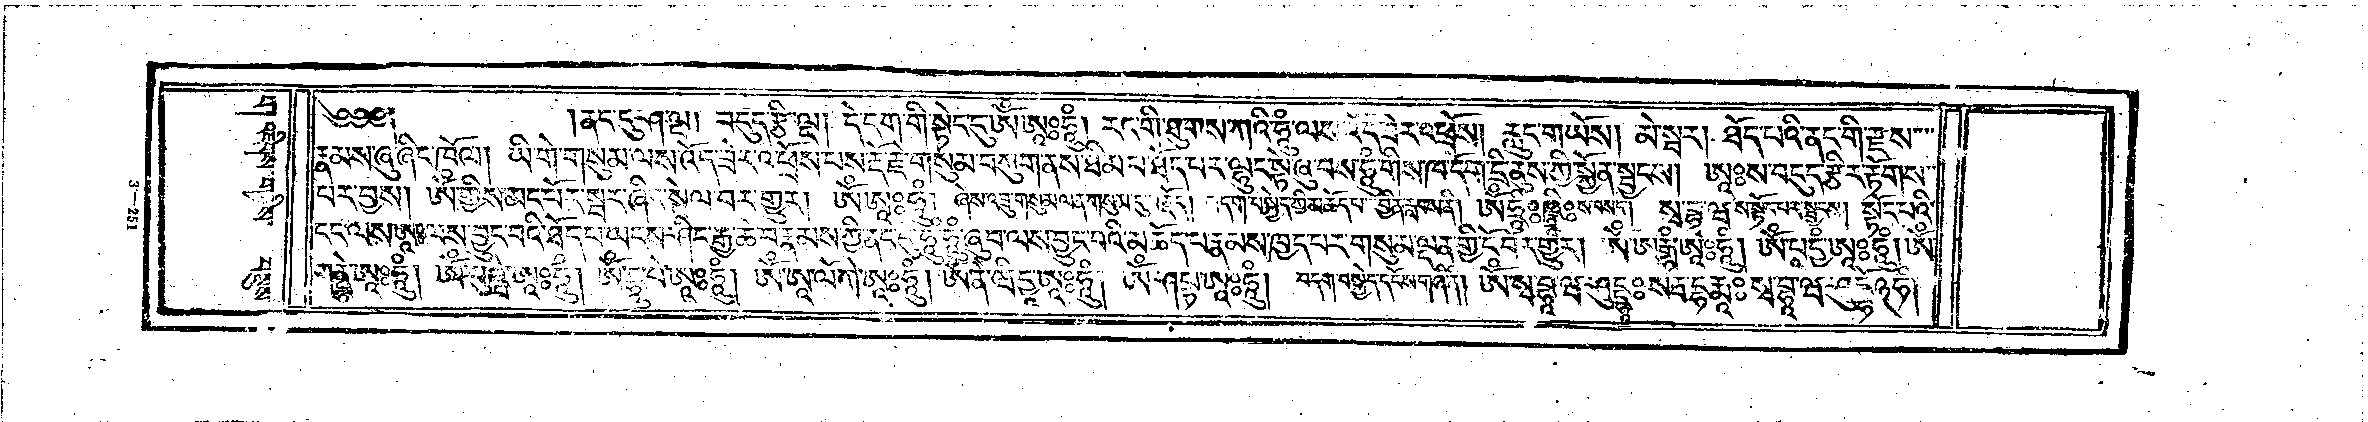༄༅། །ནང་དུ་ཤ་ལྔ། བདུད་རྩི་ལྔ། དེ་དག་གི་སྟེང་དུ་ཨོཾ་ཨཱཿ ཧཱུཾ། རང་གི་ཐུགས་ཀའི་ཧཱུཾ་ལས་འོད་ཟེར་འཕྲོས། རླུང་གཡོས། མེ་སྦར། ཐོད་པའི་ནང་གི་རྫས་
རྣམས་ཞུ་ཞིང་ཁོལ། ཡི་གེ་གསུམ་ལས་འོད་ཟེར་འཕྲོས་པས་རྡོ་རྗེ་གསུམ་བཀུག་ནས་ཐིམ་པ་ཐོད་པར་ལྷུང་སྟེ་ཞུ་བས་ཧཱུཾ་གིས་ཁ་དོག་དྲི་ནུས་ཀྱི་སྐྱོན་སྦྱངས། ཨཱཿ ས་བདུད་རྩིར་རྟོགས་
པར་བྱས། ཨོཾ་གྱིས་མང་པོར་སྦར་ཞིང་སྤེལ་བར་གྱུར། ཨོཾ་ཨཱཿཧཱུཾ། ཞེས་འབྲུ་གསུམ་ལན་གསུམ་དུ་བརྗོད། བདག་བསྐྱེད་ཀྱི་མཆོད་པ་བྱིན་རླབས་ནི།  ཨོཾ་ཧྲཱིཿཥྚྲཱིཿ ས་བསང་། སྭ་བྷཱ་ཝ་ས་སྟོང་པར་སྦྱངས།  སྟོང་པའི་
ངང་ལས་ཨཱཿ ལས་བྱུང་བའི་ཐོད་པ་ཡངས་ཤིང་རྒྱ་ཆེ་བ་རྣམས་ཀྱི་ནང་དུ་ཧཱུཾ་ཧཱུཾ་ཞུབ་ལས་བྱུང་བའི་མཆོད་པ་རྣམས་ཁྱད་པར་གསུམ་ལྡན་གྱི་ངོ་བོར་གྱུར། ཨོཾ་ཨརྒྷཾ་ཨཱཿཧཱུཾ། ཨོཾ་པཱདྷྱཾ་ཨཱཿཧཱུཾ། ཨོཾ་
གནྡྷེ་ཨཱཿཧཱུཾ། ཨོཾ་པུཥྤེ་ཨཱཿཧཱུཾ། ཨོཾ་དྷཱུ་པེ་ཨཱཿཧཱུཾ། ཨོཾ་ཨཱ་ལོ་ཀེ་ཨཱཿཧཱུཾ། ཨོཾ་ནཻ་ཝི་དྱཱ་ཨཱཿཧཱུཾ། ཨོཾ་ཤཔྟ་ཨཱཿཧཱུཾ། བདག་བསྐྱེད་དངོས་གཞི་ནི།  ཨོཾ་སྭ་བྷཱ་ཝ་ཤུདྡྷཱཿསརྦ་དྷརྨཱ་ཝ་ཤུདྡོ་ཉ་ཧཾ།